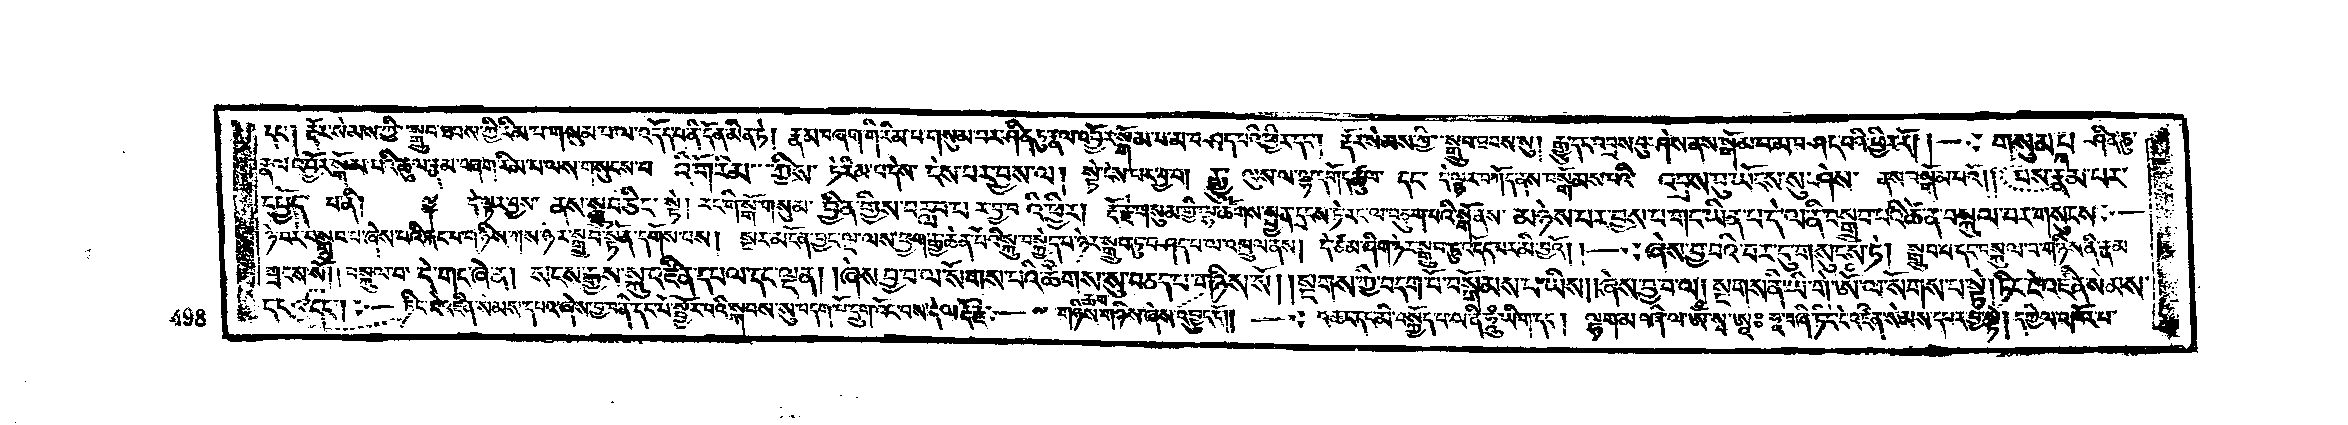དང་། རྡོར་སེམས་ཀྱི་སྒྲུབ་ཐབས་ཀྱི་རིམ་པ་གསུམ་པ་ལ་འདོད་པ་ནི་དོན་མིན་ཏེ། རྣམ་བཞག་གི་རིམ་པ་གསུམ་པར་ཤིན་ཏུ་རྣལ་འབྱོར་སྒོམ་པ་མ་བཤད་པའི་ཕྱིར་དང་། རྡོར་སེམས་ཀྱི་སྒྲུབ་ཐབས་སུ། རྒྱུ་དང་འབྲས་བུ་ཤེས་ནས་སྒོམ་པ་མ་བཤད་པའི་ཕྱིར་རོ།། .H གསུམ་པ་ཤིན་ཏུ་
རྣལ་འབྱོར་སྒོམ་པའི་ཚུལ་རྣམ་བཞག་རིམ་པ་ལས་གསུངས་པའི་གོ་རིམ་ཀྱིས་ཏེ་རིམ་པ་དེས་ངེས་པར་བྱས་ལ། སྟེ་ངེས་པར་བྱ་བ་རྒྱུ་ལུས་ལ་ལྷ་དགོད་ཚུལ་དང་དེ་ལྟར་བཀོད་ནས་བསྒོམས་པའི་འབྲས་བུ་ཡོངས་སུ་ཤེས་ནས་བསྒོམ་པའོ། །པས་ཀ་རྣམ་པར་
དཔྱོད་པ་ནི། ༈ དེ་ལྟར་བྱས་ནས་སྒྲུབ་ཅིང་སྟེ། རང་གི་སྒོ་གསུམ་བྱིན་གྱིས་བརླབ་པར་བྱ་བའི་ཕྱིར། རྡོ་རྗེ་གསུམ་གྱི་ལྷ་ཚོགས་སྤྱན་དྲངས་ཏེ་རང་ལ་བཅུག་པའི་སྒོ་ནས་མཉེས་པར་བྱས་པ་གང་ཡིན་པ་དེ་ལ་ནི་བསྒྲུབ་པའི་ཚེ་ན་བསྐུལ་བར་གསུངསཿ
ཉེ་བར་བསྒྲུབ་པ་ཞེས་པའི་རྐང་པ་གཉིས་ཀས་ཉེར་སྒྲུབ་སྟོན་དགོས་པས། སྔར་མངོན་བྱང་ལྔ་ལས་ཕྱག་རྒྱ་ཆེན་པོའི་སྐུ་བསྐྱེད་པ་ཉེར་སྒྲུབ་ཏུ་བཤད་པ་ལ་འཁྲུལ་ནས། དེ་ཙམ་ཞིག་ཉེར་སྒྲུབ་ཏུ་འདོད་པར་མི་བྱའོ།། .H ཞེས་བྱ་བའི་བར་དུ་གསུངས་ཏེ། སྒྲུབ་པ་དང་བསྐུལ་བ་གཉིས་ནི་རྣམ་
གྲངས་སོ། །བསྐུལ་བ་དེ་གང་ཞེ་ན། སངས་རྒྱས་སྐུ་འཛིན་དཔལ་དང་ལྡན། །ཞེས་བྱ་བ་ལ་སོགས་པའི་ཚིགས་སུ་བཅད་པ་གཉིས་སོ། །སྔགས་ཀྱི་བདག་པོ་བསྒོམས་པ་ཡིས། །ཞེས་བྱ་བ་ལ། སྔགས་ནི་ཡི་གེ་ཨོཾ་ལ་སོགས་པ་སྟེ། ཏིང་ངེ་འཛིན་སེམས་
དཔའ་དང་། H.་ཏིང་ངེ་འཛིན་སེམས་དཔའ་ཞེས་བྱ་བ་ནི་དང་པོ་སྦྱོར་བའི་སྐབས་སུ་བདག་པོ་དྲུག་འོང་བས་དེ་ལ་རྡོ་རྗེཿ་༧་གཉིས་ཆག་གཉིས་ཞེས་འབྱུང་ངོ།། .H འཆང་དང་མི་བསྐྱོད་པ་ལ་ནི་ཧཱུཾ་ཡིག་དང་། ལྷག་མ་བཞི་ལ་ཨོཾ་སྭ་ཨཱཿ ཧཱ་བཞི་ཏིང་ངེ་འཛིན་སེམས་དཔར་བྱ་སྟེ། དཀྱིལ་འཁོར་པར་